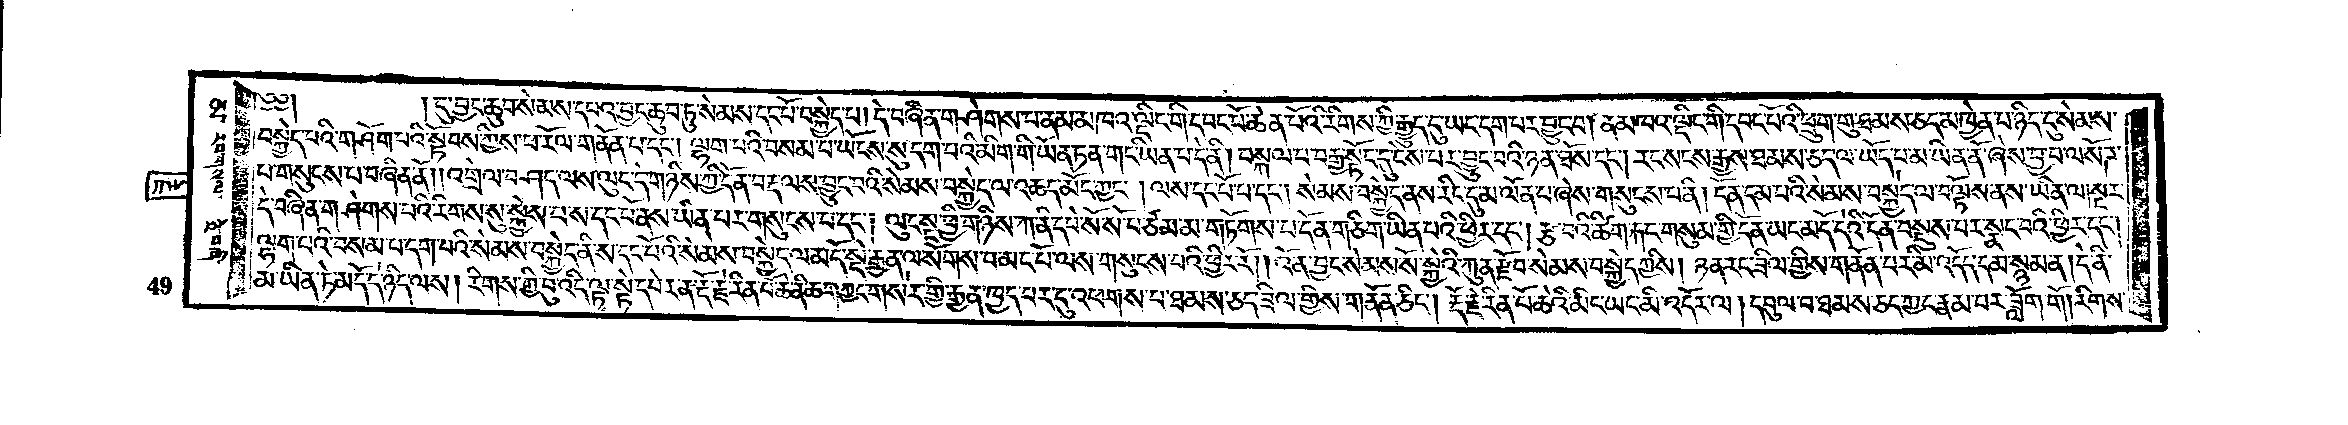༄༅། །དུ་བྱང་ཆུབ་སེམས་དཔའ་བྱང་ཆུབ་ཏུ་སེམས་དང་པོ་བསྐྱེད་པ། དེ་བཞིན་གཤེགས་པ་ནམ་མཁའ་ལྡིང་གི་དབང་པོ་ཆེན་པོའི་རིགས་ཀྱི་རྒྱུད་དུ་ཡང་དག་པར་བྱུང་བ། ནམ་མཁའ་ལྡིང་གི་དབང་པོའི་ཕྲུག་གུ་ཐམས་ཅད་མཁྱེན་པ་ཉིད་དུ་སེམས་
བསྐྱེད་པའི་གཤོག་པའི་སྟོབས་ཀྱིས་ཕ་རོལ་གནོན་པ་དང་། ལྷག་པའི་བསམ་པ་ཡོངས་སུ་དག་པའི་མིག་གི་ཡོན་ཏན་གང་ཡིན་པ་དེ་ནི། བསྐལ་པ་བརྒྱ་སྟོང་དུ་ངེས་པར་བྱུང་བའི་ཉན་ཐོས་དང་། རང་སངས་རྒྱས་ཐམས་ཅད་ལ་ཡོད་པ་མ་ཡིན་ནོ་ཞེས་བྱ་བ་ལ་སོགས་
པ་གསུངས་པ་བཞིན་ནོ། །འགྲེལ་བཤད་ལས་ལུང་དེ་གཉིས་ཀྱི་དོན་བརྡ་ལས་བྱུང་བའི་སེམས་བསྐྱེད་ལ་འཆད་མོད་ཀྱང་། ལས་དང་པོ་བ་དང་། སེམས་བསྐྱེད་ནས་རིང་དུ་མ་ལོན་པ་ཞེས་གསུངས་པ་ནི། དོན་དམ་པའི་སེམས་བསྐྱེད་ལ་བལྟོས་ནས་ཡིན་ལ། སྔར་
དེ་བཞིན་གཤེགས་པའི་རིགས་སུ་སྐྱེས་པ་ས་དང་པོ་ནས་ཡིན་པར་གསུངས་པ་དང་། ལུང་སྔ་ཕྱི་གཉིས་ཀ་ནི་དཔེ་སོ་སོ་བ་ཙམ་མ་གཏོགས་པ་དོན་གཅིག་ཡིན་པའི་ཕྱིར་དང་། རྩ་བའི་ཚིག་རྐང་གསུམ་གྱི་དོན་ཡང་མདོ་དེའི་དོན་བསྡུས་པར་སྣང་བའི་ཕྱིར་དང་།
ལྷག་པའི་བསམ་པ་དག་པའི་སེམས་བསྐྱེད་ནི་ས་དང་པོའི་སེམས་བསྐྱེད་ལ་མདོ་སྡེ་རྒྱན་ལ་སོགས་པ་མང་པོ་ལས་གསུངས་པའི་ཕྱིར་རོ། །འོ་ན་བྱང་སེམས་སོ་སྐྱེའི་ཀུན་རྫོབ་སེམས་བསྐྱེད་ཀྱིས། ཉན་རང་ཟིལ་གྱིས་གནོན་པར་མི་འདོད་དམ་སྙམ་ན། དེ་ནི་
མ་ཡིན་ཏེ་མདོ་དེ་ཉིད་ལས། རིགས་ཀྱི་བུ་འདི་ལྟ་སྟེ་དཔེར་ན་རྡོ་རྗེ་རིན་པོ་ཆེ་ནི་ཆག་ཀྱང་གསེར་གྱི་རྒྱན་ཁྱད་པར་དུ་འཕགས་པ་ཐམས་ཅད་ཟིལ་གྱིས་གནོན་ཅིང་། རྡོ་རྗེ་རིན་པོ་ཆེའི་མིང་ཡང་མི་འདོར་ལ། དབུལ་བ་ཐམས་ཅད་ཀྱང་རྣམ་པར་ཟློག་གོ །རིགས་